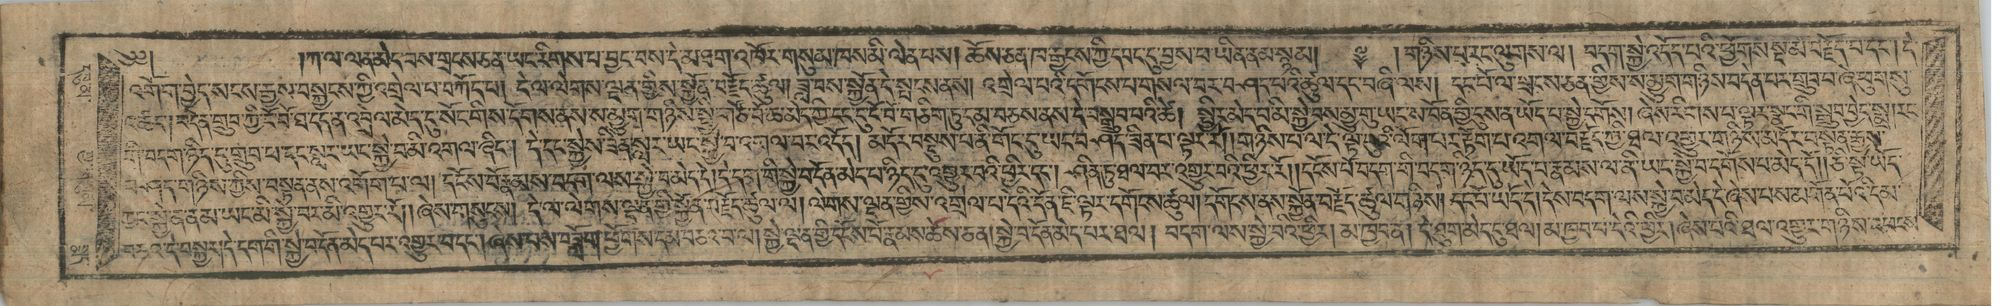༄༅། །ཀ་ལ་ལན་མེད་པས་གྲངས་ཅན་ཡང་རིགས་པ་བྱང་བས་དེ་མ་ཐག་འཁོར་གསུམ་ཁས་མི་ལེན་པས། ཆོས་ཅན་ཁ་རྒྱངས་ཀྱི་དབང་དུ་བྱས་པ་ཡིན་ནམ་སྙམ། ༈ །གཉིས་པ་རང་ལུགས་ལ། བདག་སྐྱེ་འདོད་པའི་ཕྱོགས་སྔ་མ་བརྗོད་བ་དང་། དེ་
འགོག་བྱེད་སངས་རྒྱས་བསྐྱངས་ཀྱི་འགྲེལ་པ་བཀོད་པ། དེ་ལ་ལེགས་ལྡན་གྱིས་སྐྱོན་བརྗོད་ཚུལ། ཟླ་བས་སྐྱོན་དེ་སྤངས་ནས། འགྲེལ་པའི་དགོངས་པ་གསལ་བར་བཤད་པའི་ཚུལ་དང་བཞི་ལས། དང་པོ་ལ་གྲངས་ཅན་གྱིས་ས་མྱུག་གཉིས་བདེན་པར་གྲུབ་པ་ཞེ་ཕུགས་སུ་
འཚད།བདེན་གྲུབ་ཀྱི་ངོ་བོ་ཐ་དད་ན་འབྲེལ་མེད་དུ་སོང་གིས་དོགས་ནས་ས་མྱུག་གཉིས་སྤྱི་གཙོ་བོ་ཆ་མེད་ཀྱི་ངང་དུ་ངོ་བོ་གཅིག་ཏུ་དམ་བཅས་ནས་དེ་བསྒྲུབ་པའི་ཚེ། སྤྱིར་མེད་པ་མི་སྐྱེ་བས་མྱུ་གུ་ཡང་ས་བོན་གྱི་དུས་ན་ཡོད་པ་སྐྱེ་དགོས། ཞེས་རིགས་པ་ལྟར་སྣང་གི་སྒྲུབ་བྱེད་སྨྲ། རང་
གི་བདག་ཉིད་དུ་གྲུབ་པ་དང་སླར་ཡང་སྐྱེ་བ་མི་འགལ་ཞིང་། དེ་དང་སྐྱེས་ཟིན་སླར་ཡང་སྐྱེ་བ་འགལ་བར་འདོད། མདོར་བསྡུས་བ་ནི་གོང་དུ་ཡང་བཤད་ཟིན་པ་ལྟར་རོ། །གཉིས་པ་ལ་དེ་ལྟ་བུའི་ལོག་པར་རྟོག་པ་འགལ་བརྗོད་ཀྱི་ཐལ་འགྱུར་གཉིས་མདོར་བསྟན་རྒྱས་
བཤད་གཉིས་ཀྱིས་བསྟན་ནས་འགོག་པ་ལ། དངོས་པོ་རྣམས་བདག་ལས་སྐྱེ་བ་མེད་དེ། དེ་དག་གི་སྐྱེ་བ་དོན་མེད་པ་ཉིད་དུ་འགྱུར་བའི་ཕྱིར་དང་། ཤིན་ཏུ་ཐལ་བར་འགྱུར་བའི་ཕྱིར་རོ། །དངོས་པོ་བདག་གི་བདག་ཉིད་དུ་ཡོད་པ་རྣམས་ལ་ནི་ཡང་སྐྱེ་བ་དགོས་པ་མེད་དོ། །ཅི་སྟེ་ཡོད་
ཀྱང་སྐྱེ་ན་ནམ་ཡང་མི་སྐྱེ་བར་མི་འགྱུར་རོ། །ཞེས་གསུངས། དེ་ལ་ལེགས་ལྡན་གྱི་སྐྱོན་བརྗོད་ཚུལ་ལ། ལེགས་ལྡན་གྱིས་འགྲེལ་པ་དེའི་དོན་ཇི་ལྟར་དགོངས་ཚུལ། དགོངས་ནས་སྐྱོན་བརྗོད་ཚུལ་གཉིས། དང་པོ་ཡོད་དེ། དེས་བདག་ལས་སྐྱེ་བ་མེད་དེ་ཞེས་པས་མགོན་པོའི་དམ་
བཅའ་དེ་བསྐྱར།དེ་དག་གི་སྐྱེ་བ་དོན་མེད་པར་འགྱུར་བ་དང་། ཞེས་པས་བཟློག་ཕྱོགས་དམ་བཅའ་བ་ལ། སྐྱེ་ལྡན་གྱི་དངོས་པོ་རྣམས་ཆོས་ཅན། སྐྱེ་བ་དོན་མེད་པར་ཐལ། བདག་ལས་སྐྱེ་བའི་ཕྱིར། མ་ཁྱབ་ན། དེ་ཐུག་མེད་དུ་ཐལ། མ་ཁྱབ་པ་དེའི་ཕྱིར། ཞེས་པའི་ཐལ་འགྱུར་གཉིས་འཕངས་